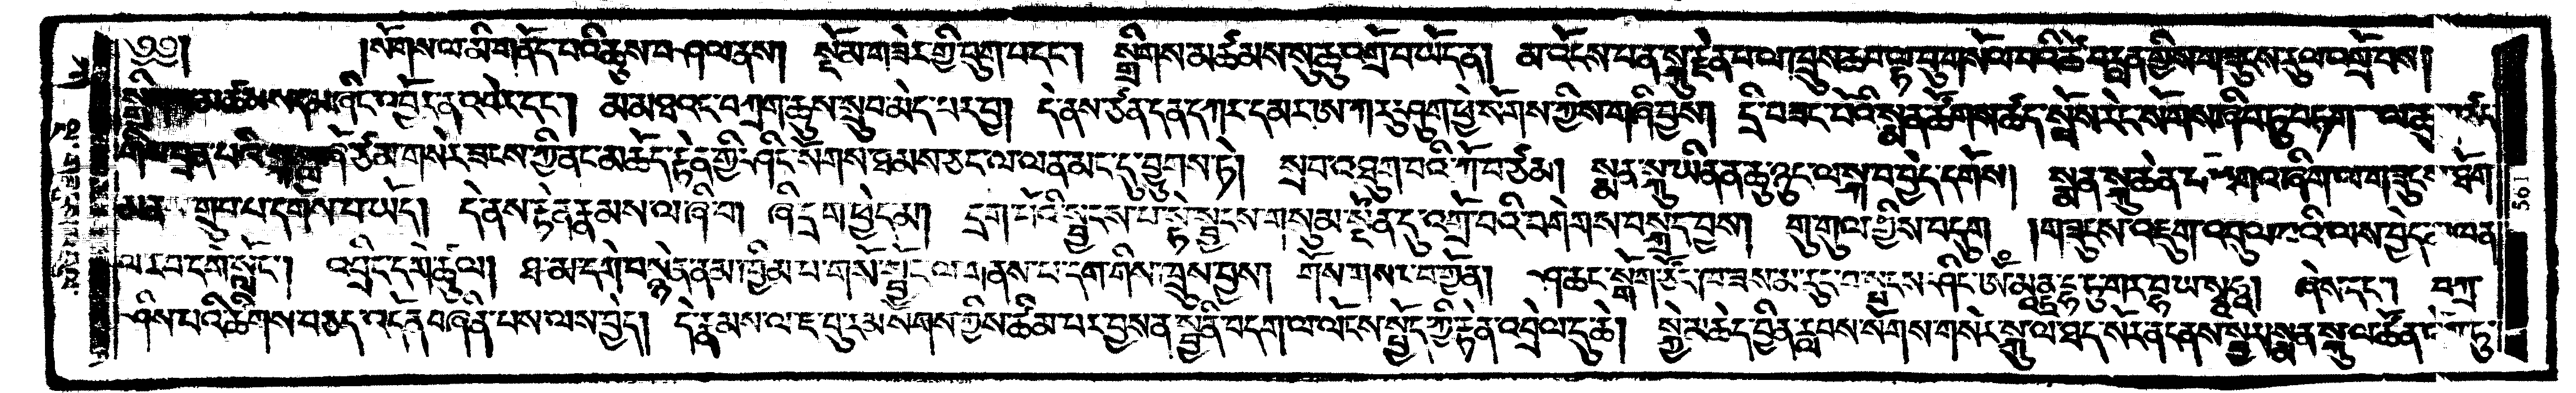༄༅། །སོགས་ལ་མི་གནོད་པའི་ཆུས་བཤལ་ནས། སྡོམ་གཟེར་གྱི་བུག་པ་དང་། སྒྲིགས་མཚམས་སུ་ཆུ་འགྲོ་བ་ཡོད་ན། མ་འོངས་པ་ན་སྐུ་རྗེན་པ་ལ་ཁྲུས་ཆབ་ལྟ་བུ་གསོལ་བའི་ཚེ་བརླན་གྱིས་གསུངས་རུལ་འགྲོ་བས།
སྒྲིགས་མཚམས་དམ་ཞིང་འབྱོར་ན་འབེར་དང་། མ་མཐའང་བཀྲག་ཆུས་སྲུབ་མེད་པར་བྱ། དེ་ནས་ཙན་དན་དཀར་དམར་ཨ་ཀ་རུ་ཤུག་ཕྱེ་སོགས་ཀྱིས་གཞི་བྱས། དྲི་བཟང་པོའི་སྨན་ཚོགས་ཚད་སྒོས?་རེང་སོགས་ཞི་བཏུ་བཏག་ལ་ཆུ་ཙད?
གིས་བྲན་པའི་སྒྲ་གླ?་ཞོ་ཙམ་གསེར་ཟངས་ཀྱི་ནང་མཆོད་རྟེན་གྱི་ཤིང་སོགས་ཐམས་ཅད་ལ་ལན་མང་དུ་བྱུགས་ཏེ། སྲབ་འཐུག་པའི་ཀོ་བ་ཙམ། སྨན་སྐུ་ཡིན་ན་ཆུ་ཉུང་ལ་སྐ་བ་བྱེད་དགོས། སྨན་སྐུ་ཆེན་པོ་དགའ?་ཞིག་ལ་གཟུངས་ཐོག་
མནར་གྲུབ་པ་དགོས་པ་ཡོད། དེ་ནས་རྟེན་རྣམས་ལ་ཞི་བ། ཞི་དྲག་ཕྱེད་མ། དྲག་པོའི་སྦྱངས་པ་སྟེ་སྦྱངས་གསུམ་སྔོན་དུ་འགྲོ་བའི་བགེགས་བསྐྲད་བྱས། གུ་གུལ་གྱིས་འདུག །གཟུངས་འཇུག་འབུལ་བའི་ལས་བྱེད་མཁན་
ལ་རབ་དགེ་སློང་། འབྲིང་དགེ་ཚུལ། ཐ་མ་དགེ་བསྙེན་ནམ་ཁྱིམ་པ་གསོ་སྦྱོང་ལ་གནས་པ་དག་གིས་ཁྲུས་བྱས། གོས་གསང་བ་གྱོན། ཤ་ཆང་སྒོག་ཙོང་ཁ་ཟས་མ་རུང་བ་སྦྱངས་ཤིང་ཨོཾ་མཱནྟྲ་དྷ་ཏུ་གར་བྷ་ཡ་སྭཱཧཱ། ཞེས་དང་། བཀྲ་
ཤིས་པའི་ཚིགས་བཅད་འདོན་བཞིན་པས་ལས་བྱེད། དེ་རྣམས་ལ་ཇ་པུ་རམ་སོགས་ཀྱིས་ཚིམ་པར་བྱས་ན་སྦྱིན་བདག་ལ་ལོངས་སྤྱོད་ཀྱི་རྟེན་འབྲེལ་དུ་ཆེ། སྐྱེ་མཆེད་བྱིན་རླབས་སོགས་གསེར་སྐུ་ལ་ཐད་སོར་ནང་ནས་སྦྱར་སྨན་སྐུ་ལ་མཚོན་ལོས?་ཏུ་